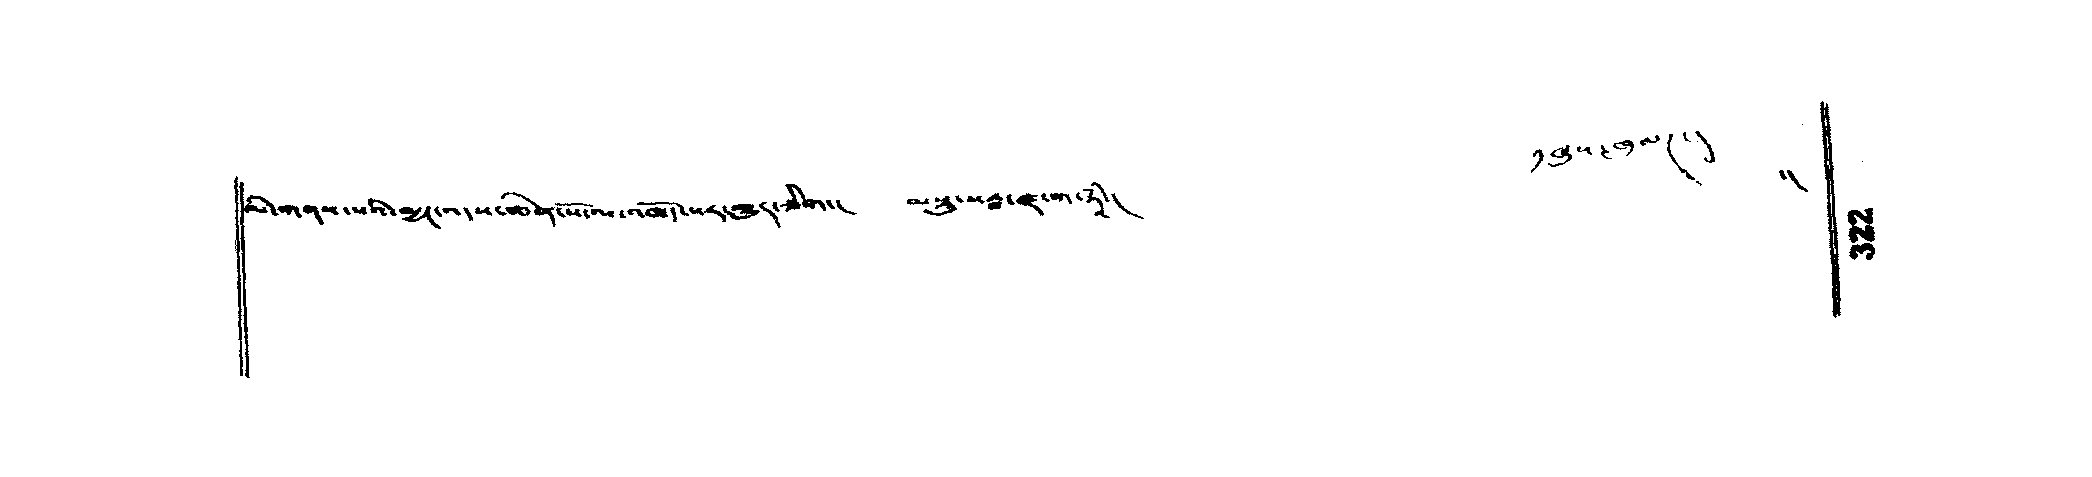མི་གནས་པའི་མྱང་འདས་ཆེན་པོ་ལ་འཁོད་པར་གྱུར་ཅིག མ་སྡུ་སརྦ་ཛ་ག་ཏྭཾ།